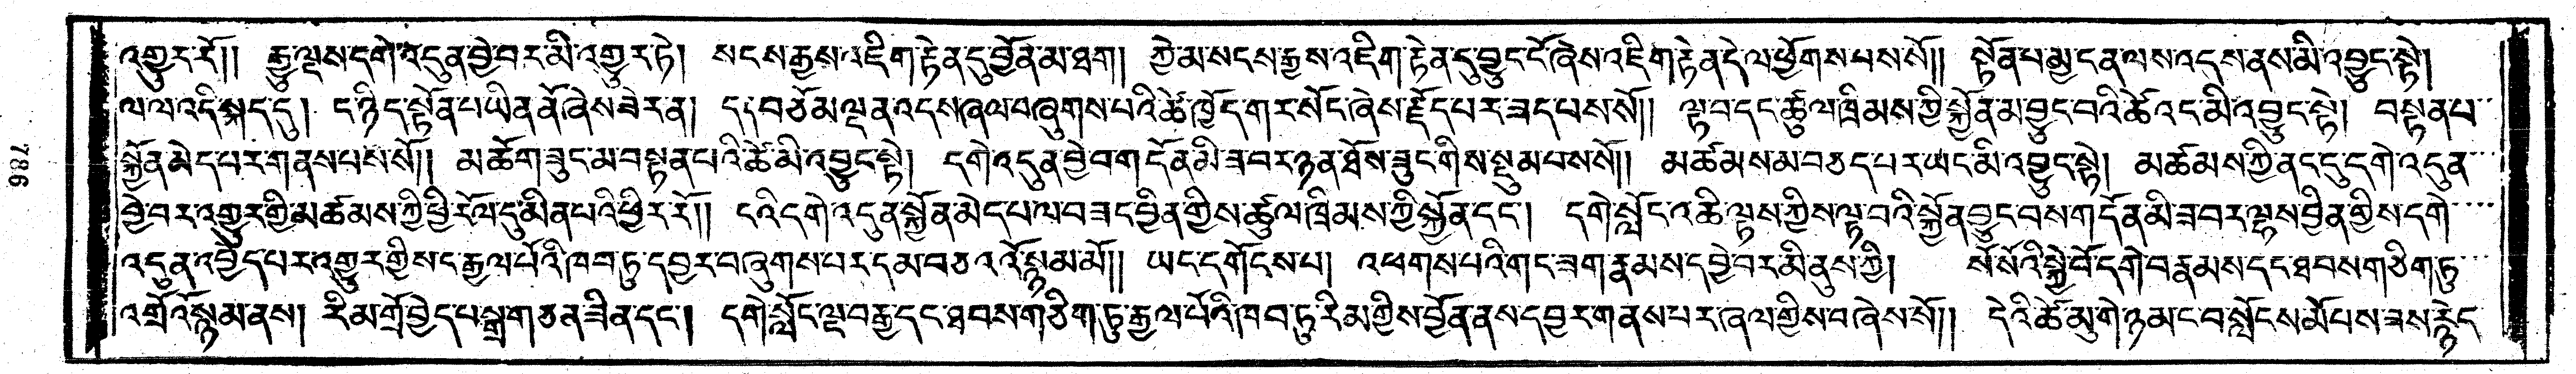འགྱུར་རོ།། རྒྱུ་ལྔས་དགེ་འདུན་བྱེ་བར་མི་འགྱུར་ཏེ། སངས་རྒྱས་འཇིག་རྟེན་དུ་བྱོན་མ་ཐག། ཀྱེ་མ་སངས་རྒྱས་འཇིག་རྟེན་དུ་བྱུང་ངོ་ཞེས་འཇིག་རྟེན་དེ་ལ་ཕྱོགས་པས་སོ།། སྟོན་པ་མྱ་ངན་ལས་འདས་ནས་མི་འབྱུང་སྟེ།
ལ་ལ་འདི་སྐད་དུ། ང་ཉིད་སྟོན་པ་ཡིན་ནོ་ཞེས་ཟེར་ན། དད་བཅོམ་ལྡན་འདས་ཞལ་བཞུགས་པའི་ཚེ་ཁྱོད་གར་སོང་ཞེས་རྗོད་པར་ཟད་པས་སོ།། ལྟ་བ་དང་ཚུལ་ཁྲིམས་ཀྱི་སྐྱོན་མ་བྱུང་བའི་ཚེའང་མི་འབྱུང་སྟེ། བསྟན་པ་
སྐྱོན་མེད་པར་གནས་པས་སོ།། མཆོག་ཟུང་མ་བསྟན་པའི་ཚེ་མི་འབྱུང་སྟེ། དགེ་འདུན་བྱེ་བ་གདོན་མི་ཟ་བར་ཉན་ཐོས་ཟུང་གིས་སྡུམ་པས་སོ།། མཚམས་མ་བཅད་པར་ཡང་མི་འབྱུང་སྟེ། མཚམས་ཀྱི་ནང་དུ་དགེ་འདུན་
བྱེ་བར་འགྱུར་གྱི་མཚམས་ཀྱི་ཕྱི་རོལ་དུ་མིན་པའི་ཕྱིར་རོ།། ངའི་དགེ་འདུན་སྐྱོན་མེད་པ་ལ་བཟང་བྱིན་གྱིས་ཚུལ་ཁྲིམས་ཀྱི་སྐྱོན་དང་། དགེ་སློང་འཆི་ལྟས་ཀྱིས་ལྟ་བའི་སྐྱོན་བྱུང་བས་གདོན་མི་ཟ་བར་ལྷས་བྱིན་གྱིས་དགེ་
འདུན་འབྱེད་པར་འགྱུར་གྱིས་ང་རྒྱལ་པོའི་ཁབ་ཏུ་དབྱར་བཞུགས་པར་དམ་བཅའ་འོ་སྙམ་མོ།། ཡང་དགོངས་པ། འཕགས་པའི་གང་ཟག་རྣམས་དབྱེ་བར་མི་ནུས་ཀྱི། སོ་སོའི་སྐྱེ་བོ་དགེ་བ་རྣམས་དང་ཐབས་གཅིག་ཏུ་
འགྲོའོ་སྙམ་ནས། རིམ་གྲོ་བྱེད་པ་སྒྲ་གཅན་ཟིན་དང་། དགེ་སློང་ལྔ་བརྒྱ་དང་ཐབས་གཅིག་ཏུ་རྒྱལ་པོའི་ཁབ་ཏུ་རིམ་གྱིས་བྱོན་ནས་དབྱར་ངས་པར་ཞལ་གྱིས་བཞེས་སོ།། དེའི་ཚེ་མུ་གེ་ཉམ་ང་བ་སློངས་མོ་པས་ཟས་རྙེད་